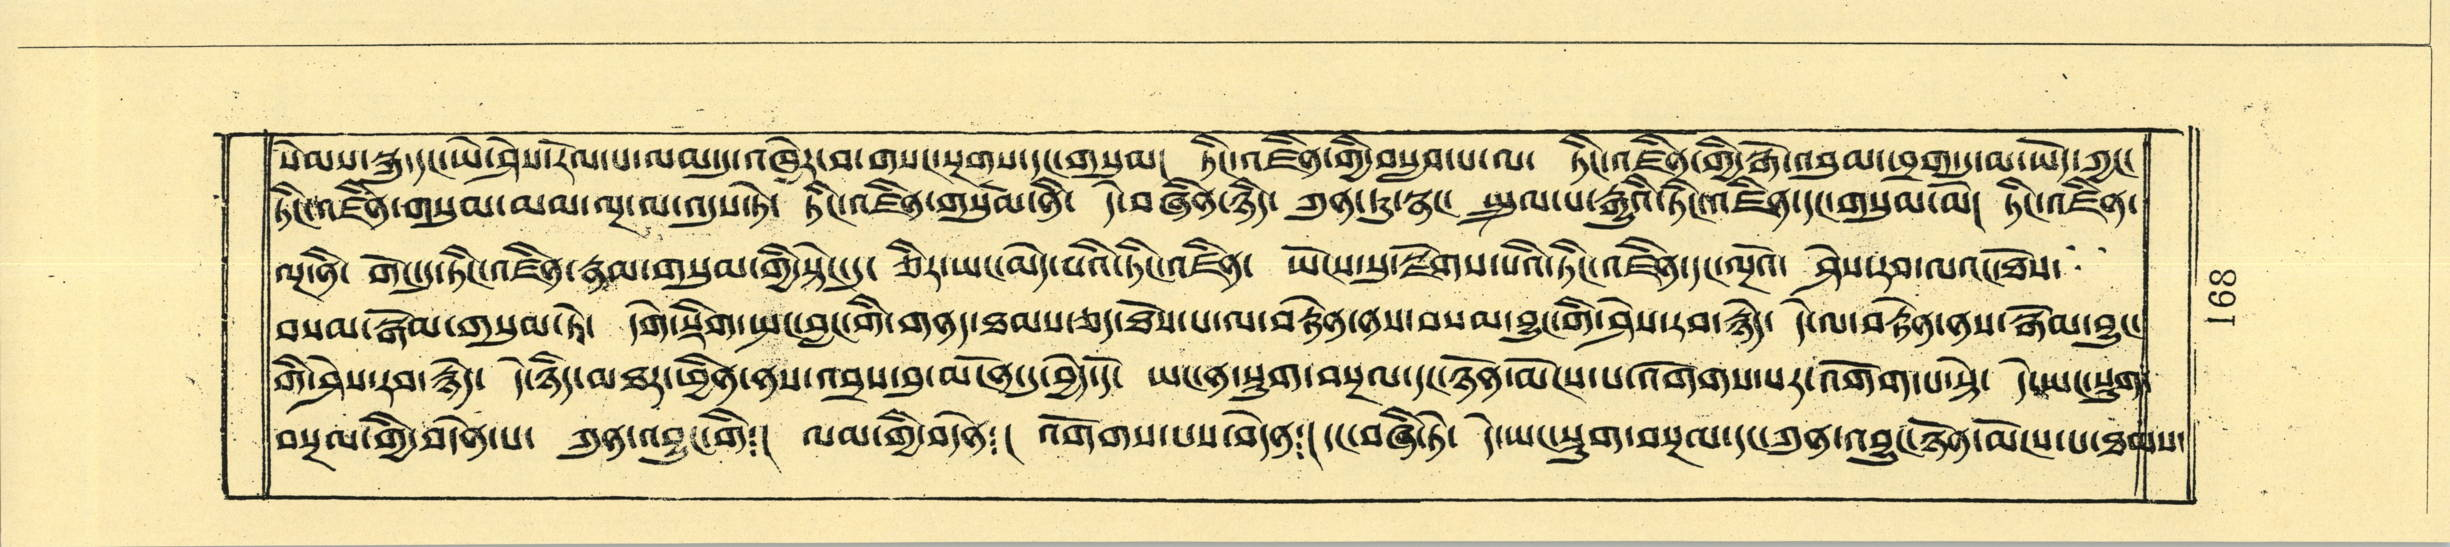སེམས་སྐུ་དང་ཡེ་ཤེས་རོལ་པ་ལམ་དུ་འཁྱེར་བ་གསང་སྔགས་དང་གསུམ། ཏིང་འཛིན་གྱི་བསླབ་པ་ལ། ཏིང་ངེ་འཛིན་གྱི་སྒོ་འབུམ་ཕྲག་དུ་མ་ཡོད་ཀྱང་། 
ཏིང་ངེ་འཛིན་གསུམ་མམ་ལྔ་ལ་འདུས་ཏེ། ཏིང་འཛིན་གསུམ་ནི། དེ་བཞིན་ཉིད། ཀུན་ཏུ་སྣང་། སྤྲུལ་པ་རྒྱུ་ཡི་ཏིང་འཛིན་དང་གསུམ་མོ། ཏིང་འཛིན་ལྔ་ནི། གོང་དུ་ཏིང་འཛིན་
རྣམ་གསུམ་གྱི་སྟེང་དུ་ཅིར་ཡང་མེད་པའི་ཏིང་འཛིན། ཡོངས་སུ་རྫོགས་པའི་ཏིང་འཛིན་དང་ལྔའོ། ཤེས་རབ་ལའང་ཐོས་
བསམ་སྒོམ་གསུམ་ཏེ། དགེ་སྡིག་སྤང་བླང་གི་གནད་ཐམས་ཅད་ཐོས་པ་ལ་བརྟེན་ནས་བསམ་བྱུང་གི་ཤེས་རབ་རྙེད། དེ་ལ་བརྟེན་ནས་སྒོམ་བྱུང་
གི་ཤེས་རབ་རྙེད། དེ་ཉིད་མཐར་ཕྱིན་ནས་འབྲས་བུ་མངོན་དུ་བྱེད་དོ། ཡང་ན་སྡུག་བསྔལ་དང་ཉོན་མོངས་པར་འགོག་པར་འགོག་པ་སྟེ། དེ་ཡང་སྡུག་
བསྔལ་གྱི་བདེན་པ་ཀུན་འབྱུང་གི་བདེན་པ་ལམ་གྱི་བདེན་པ་འགོག་པའི་བདེན་པ་དང་བཞི་སྟེ། དེ་ཡང་སྡུག་བསྔལ་དང་ཀུན་འབྱུང་ཉོན་མོངས་པ་ཐམས་